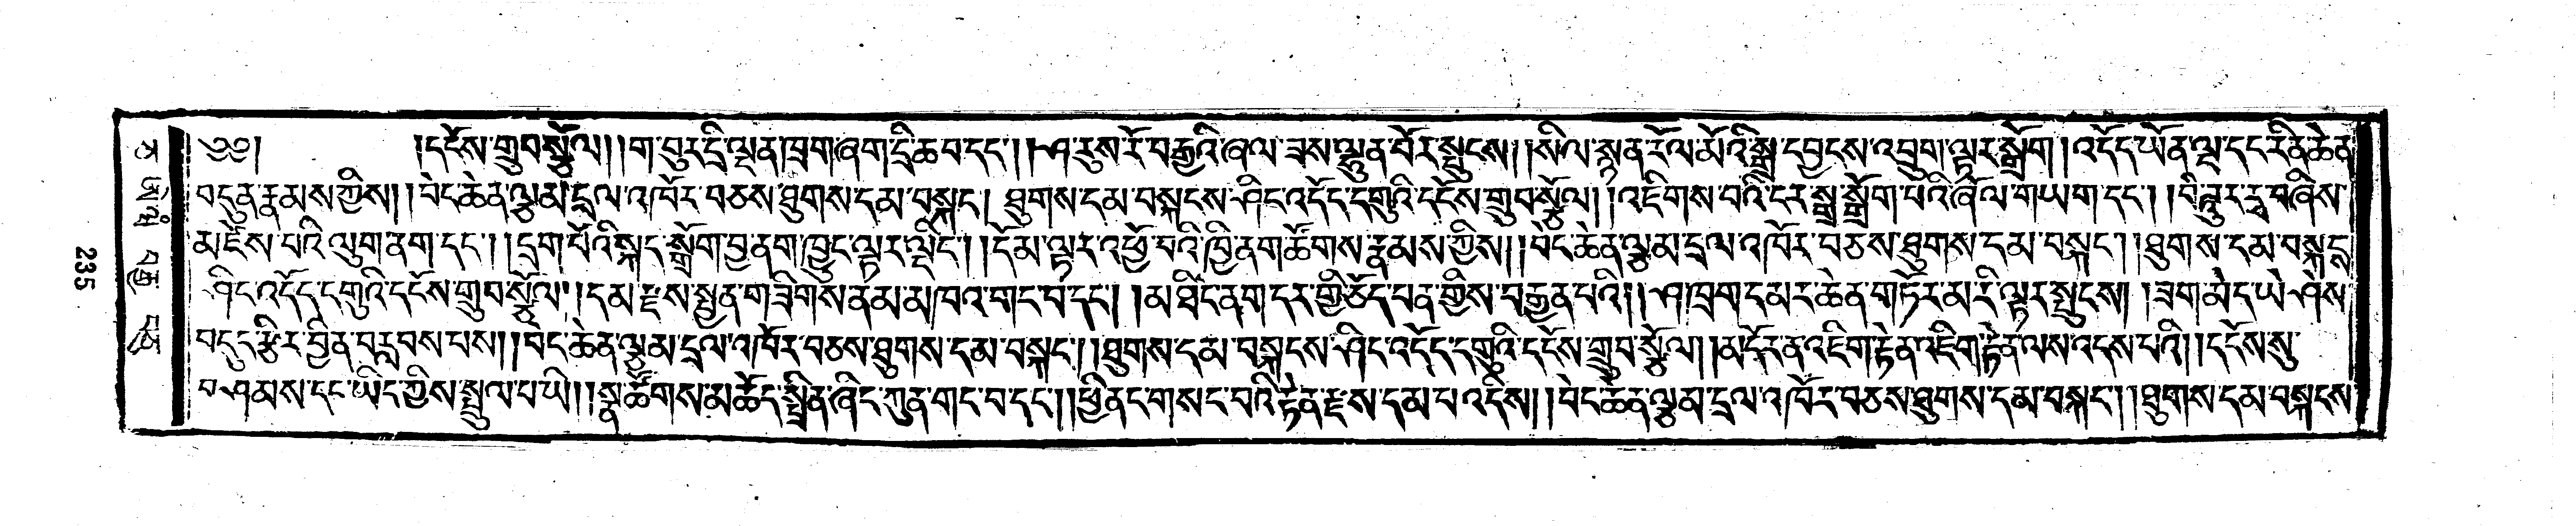༄༅། །དངོས་གྲུབ་སྩོལ། །ག་བུར་དྲི་ལྡན་ཁྲག་ཞག་དྲི་ཆབ་དང་། །ཤ་རུས་རོ་བརྒྱའི་ཞལ་ཟས་ལྷུན་པོར་སྤུངས། །སིལ་སྙན་རོལ་མོའི་སྒྲ་དབྱངས་འབྲུག་ལྟར་སྒྲོག །འདོད་ཡོན་ལྔ་དང་རིན་ཆེན་
བདུན་རྣམས་ཀྱིས། །བེང་ཆེན་ལྕམ་དྲལ་འཁོར་བཅས་ཐུགས་དམ་བསྐང་། ཐུགས་དམ་བསྐངས་ཤིང་འདོད་དགུའི་དངོས་གྲུབ་སྩོལ། །འཇིགས་པའི་ངར་སྒྲ་སྒྲོག་པའི་ཞོལ་གཡག་དང་། །བཻ་ཌཱུར་རྭ་བཞིས་
མཛེས་པའི་ལུག་ནག་དང་། །དྲག་པོའི་སྐད་སྒྲོག་བྱ་ནག་ཁྱུང་ལྟར་ལྡིང་། །དོམ་ལྟར་འཕྱོ་བའི་ཁྱི་ནག་ཚོགས་རྣམས་ཀྱིས། །བེང་ཆེན་ལྕམ་དྲལ་འཁོར་བཅས་ཐུགས་དམ་བསྐང་། །ཐུགས་དམ་བསྐངས་
ཤིང་འདོད་དགུའི་དངོས་གྲུབ་སྩོལ། །དམ་རྫས་སྤྱན་གཟིགས་ནམ་མཁའ་གང་བ་དང་། །མཐིང་ནག་དར་གྱི་ཅོད་པན་གྱིས་བརྒྱན་པའི། །ཤ་ཁྲག་དམར་ཆེན་གཏོར་མ་རི་ལྟར་སྤུངས། །ཟག་མེད་ཡེ་ཤེས་
བདུད་རྩིར་བྱིན་བརླབས་པས། །བེང་ཆེན་ལྕམ་དྲལ་འཁོར་བཅས་ཐུགས་དམ་བསྐང་། །ཐུགས་དམ་བསྐངས་ཤིང་འདོད་དགུའི་དངོས་གྲུབ་སྩོལ། །མདོར་ན་འཇིག་རྟེན་འཇིག་རྟེན་ལས་འདས་པའི། །དངོས་སུ་
བཤམས་དང་ཡིད་ཀྱིས་སྤྲུལ་པ་ཡི། །སྣ་ཚོགས་མཆོད་སྤྲིན་ཞིང་ཀུན་གང་བ་དང་། །ཕྱི་ནང་གསང་བའི་རྟེན་རྫས་དམ་པ་འདིས། །བེང་ཆེན་ལྕམ་དྲལ་འཁོར་བཅས་ཐུགས་དམ་བསྐང་། །ཐུགས་དམ་བསྐངས་